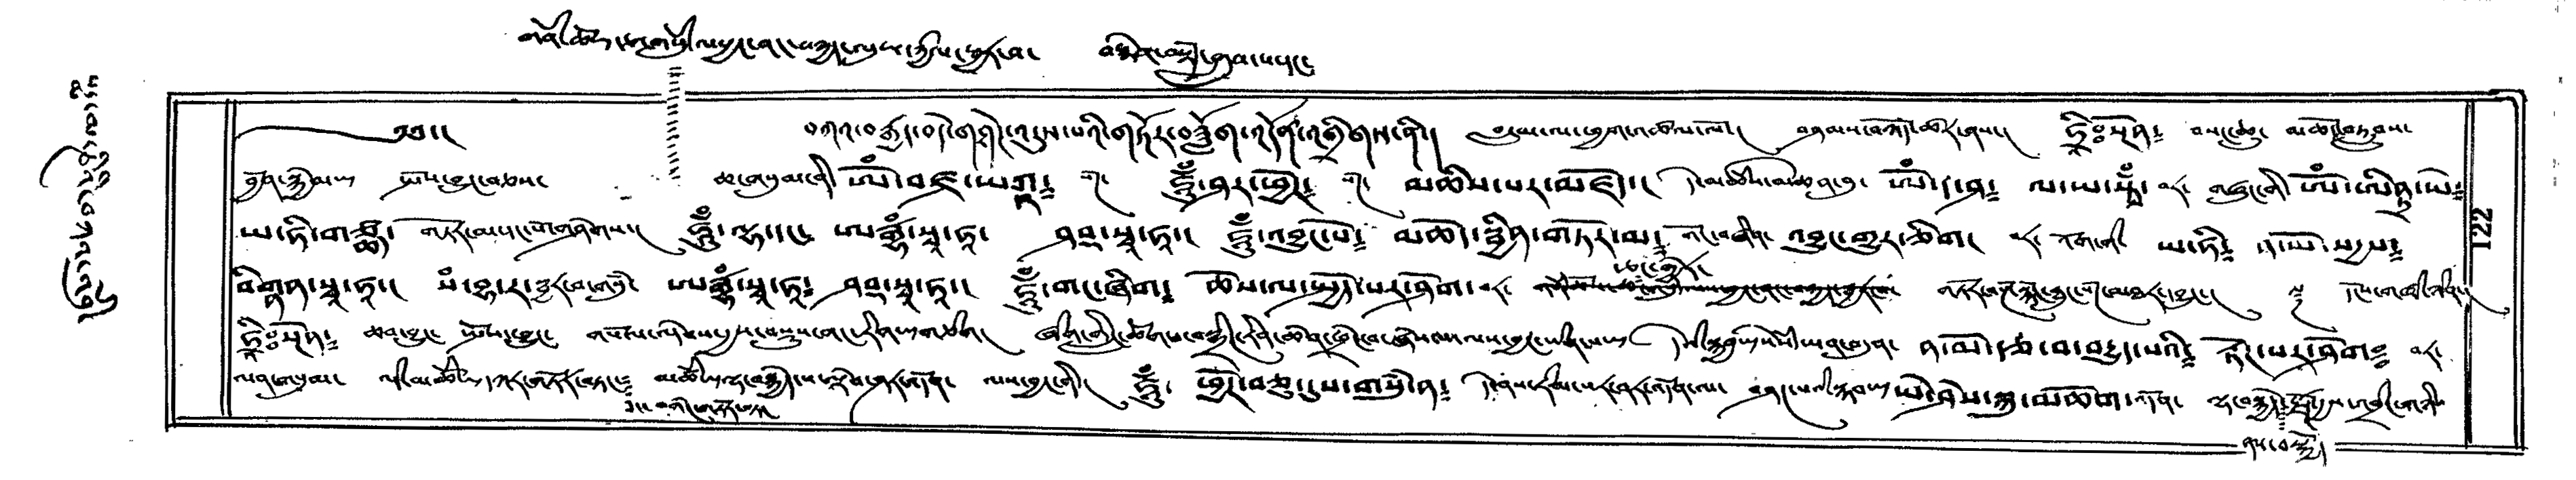༄༅། བཀའ་བརྒྱད་བདེ་གཤེགས་འདུས་པའི་གཏོར་ཟློག་གི་འདོན་འགྲིགས་ནི། བླ་མ་ལ་ཕྱག་འཚལ་ལོ། བཤམས་བཀོད་ཚར་ནས། ཧྲཱི༔སྔོན༴ བསང་ཆུ། མཆོད་རླབས་
བྱོན་སྐྱེམས། སྤོས་ཕྱུང་བཅས། གནམ་ཆོས་རྩ་གསུམ་ལས་བྱང་ནང་བཀའ་བརྒྱད་ལུས་དཀྱིལ་སྦྱོར་བ། བསྙེན་བསྟོད་གྲུབ་པ་དང་། ཆ་གསུམ་ནྀ། ཨོཾ་བཛྲ་ཡཀྵ༴ སོགས། ཧཱུྃ༔ཤར་ཕྱོགས༴ སོགས། མཆིས་པར་མཛོད། དེ་མཚམས་མཆན་བུ། ཨོཾ་ད་ཤ༴ ལ་ཡ་སྟྃ་བར། གཞུང་གི ཨོཾ་ཨིནྡྲ་ཡེ༴ 
ཡ་ཧི་གཙྪ། གཏོར་མ་དང་པོ་གཤེགས། ཧཱུྃ༔ལྷ་དང༴ ཨརྒྷཾ་སྭ་ཧཱ། ཤབྡ་སྭ་ཧཱ། ཧཱུྃ༔འབྱུང་པོ༴ མཆོད་སྦྱིན་གཏོར་མ༴ གོང་བཞིན། འབྱུང་གྱུར་ཅིག བར། འོག་གི ཡ་ཧི༴ ན་མོ༔ སངས་རྒྱས༴ 
བིགྣན་སྭ་ཧཱ༔ སཾ་བྷ་ར༴ སྦྱར་བ་གསུམ། ཨརྒྷཾ་སྭ་ཧཱ༴ ཤབྡ་སྭ་ཧཱ༔ ཧཱུྃ༔གང་ཞིག༴ ཆོས་ལ་སྤྱོད་པར་ཤོག༔ བར། རྩང་གྱེར། གཏོར་བསྔོ་སྐོང་ཐུང་སོགས་མཐར་དབྱུང་། ༈ དངོས་གཞིའི་ཉིན། 
ཧྲཱི༔སྔོན༴ ཆབ་གཏོར། སྤོས་ཕྱུང་། གསོལ་འདེབས་རྒྱས་བསྡུས་གང་རིགས་གཅིག ཞིག་གླིང་ཆོག་སྒྲིགས་རིན་ཆེན་ཕྲེང་བ་ཞེས་པ་ལས་བྱང་ཡིན་པས། དེའི་སྐྱབས་སེམས་ཡན་བདུན། ན་མོ༔རྩ་བ་བརྒྱུད་པའི༴ རྟོགས་པར་ཤོག༔ བར་
ལན་གསུམ། འདི་མཚིམས་དཀར་གཏོར་དང་བགེགས་གཏོར་གཏང་། མཚམས་ལྷ་སྐྱེད་པ་ལྡེབ་ཤར་འདོན། ལས་བྱང་གི ཧཱུྃ༔ ཕྱོགས་བཅུ་དུས་གསུམ་ན༴ དེ་ནས་རིམ་པར་ནར་འདོན་ལ། བཤགས་པའི་སྐབས། ཡེ་ཤེས་སྐུ་མཆོག་འདོན། ལྷ་སྐྱེད་ནས་སྐྱེད་རྫོགས་རྒྱས་བྲིང་གཉིས་གང་